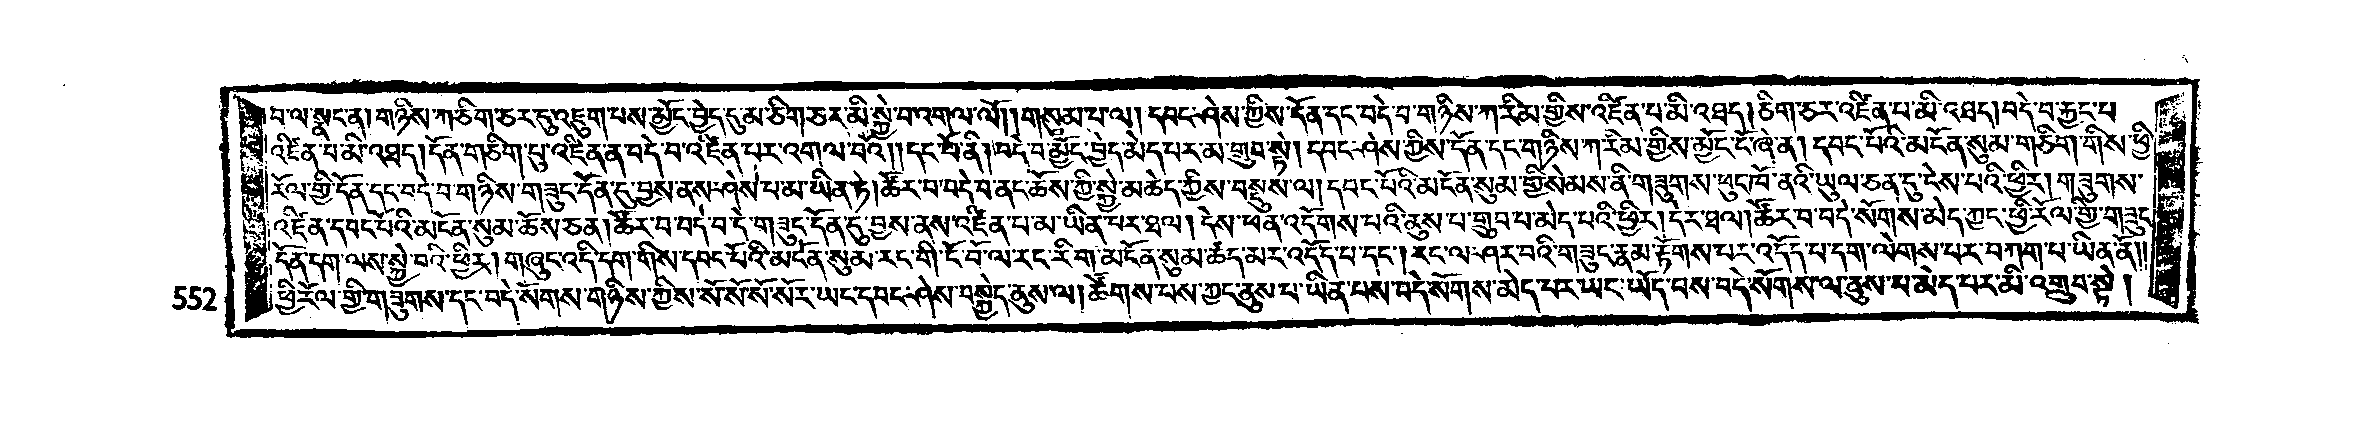བ་ལ་སྣང་ན། གཉིས་ཀ་ཅིག་ཅར་དུ་འཇུག་པས་མྱོང་བྱེད་དུ་མ་ཅིག་ཅར་མི་སྐྱེ་བ་འགལ་ལོ། །གསུམ་པ་ལ། དབང་ཤེས་ཀྱིས་དོན་དང་བདེ་བ་གཉིས་ཀ་རིམ་གྱིས་འཛིན་པ་མི་འཐད། ཅིག་ཅར་འཛིན་པ་མི་འཐད། བདེ་བ་རྐྱང་པ་
འཛིན་པ་མི་འཐད། དོན་གཅིག་པུ་འཛིན་ན་བདེ་བ་འཛིན་པར་འགལ་བའོ། །དང་པོ་ནི། བདེ་བ་མྱོང་བྱེད་མེད་པར་མ་གྲུབ་སྟེ། དབང་ཤེས་ཀྱིས་དོན་དང་གཉིས་ཀ་རིམ་གྱིས་མྱོང་ངོ་ཞེ་ན། དབང་པོའི་མངོན་སུམ་གཅིག་གིས་ཕྱི་
རོལ་གྱི་དོན་དང་བདེ་བ་གཉིས་གཟུང་དོན་དུ་བྱས་ནས་ཤེས་པ་མ་ཡིན་ཏེ། ཚོར་བ་བདེ་བ་ནང་ཆོས་ཀྱི་སྐྱེ་མཚོད་ཀྱིས་བསྡུས་ལ། དབང་པོའི་མངོན་སུམ་གྱི་སེམས་ནི་གཟུགས་ཕུང་ཁོ་ནའི་ཡུལ་ཅན་དུ་ངེས་པའི་ཕྱིར། གཟུགས་
འཛིན་དབང་པོའི་མངོན་སུམ་ཆོས་ཅན། ཚོར་བ་བདེ་བ་དེ་གཟུང་དོན་དུ་བྱས་ནས་འཛིན་པ་མ་ཡིན་པར་ཐལ། དེས་ཕན་འདོགས་པའི་ནུས་པ་གྲུབ་པ་མེད་པའི་ཕྱིར། དེར་ཐལ། ཚོར་བ་བདེ་སོགས་མེད་ཀྱང་ཕྱི་རོལ་གྱི་གཟུང་
དོན་དག་ལས་སྐྱེ་བའི་ཕྱིར། གཞུང་འདི་དག་གིས་དབང་པོའི་མངོན་སུ་རང་གི་ངོ་བོ་ལ་རང་རིག་མངོན་སུམ་ཚད་མར་འདོད་པ་དང་། རང་ལ་ཤར་བའི་གཟུང་རྣམ་རྟོགས་པར་འདོད་པ་དག་ལེགས་པར་བཀག་པ་ཡིན་ནོ། །
ཕྱི་རོལ་གྱི་གཟུགས་དང་བདེ་སོགས་གཉིས་ཀྱིས་སོ་སོ་སོ་སོར་ཡང་དབང་ཤེས་བསྐྱེད་ནུས་ལ། ཚོགས་པས་ཀྱང་ནུས་པ་ཡིན་པས་བདེ་སོགས་མེད་པར་ཡང་ཡོད་པས་བདེ་སོགས་ལ་ནུས་པ་མེད་པར་མི་འགྲུབ་སྟེ།